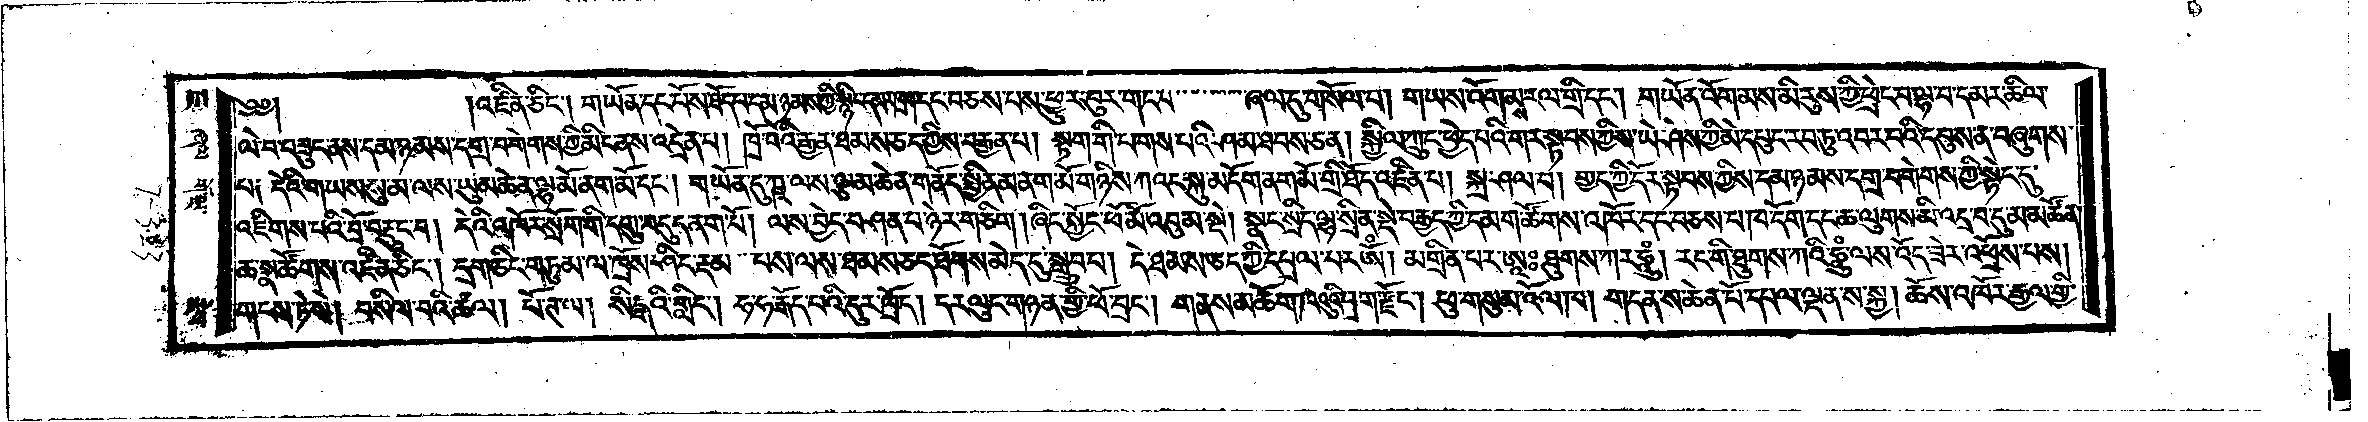༄༅། །འཛིན་ཅིང་། གཡོན་དང་པོས་ཐོད་པ་དམ་ཉམས་ཀྱི་སྙིང་དམ་པ་བྲག་དང་བཅས་པས་ཕྱུར་བུར་གང་བ་ཞལ་དུ་གསོལ་བ། གཡས་འོག་མས་རལ་གྲི་དང་། གཡོན་འོག་མས་མི་རུས་ཀྱི་ཕྲེང་བ་ལྷ་བ་དམར་ཆིལ་
ལེ་བ་བཟུང་ནས་དམ་ཉམས་དགྲ་བགེགས་ཀྱི་མིང་ནས་འདྲེན་པ། ཁྲོ་བོའི་རྒྱན་ཐམས་ཅད་ཀྱིས་བརྒྱན་པ། སྟག་གི་པགས་པའི་ཤམ་ཐབས་ཅན། སྐྱིལ་ཀྲུང་ཕྱེད་པའི་གར་སྟབས་ཀྱིས་ཡེ་ཤེས་ཀྱི་མེ་དཔུང་རབ་ཏུ་འབར་བའི་དབུས་ན་བཞུགས་
པ༑ དེའི་གཡས་སུ་མ་ལས་ཡུམ་ཆེན་ལྷ་མོ་ནག་མོ་དང་། གཡོན་དུ་ཀྵ་ལས་ལྕམ་ཆེན་གནོད་སྦྱིན་མ་ནག་མོ་གཉིས་ཀའང་སྐུ་མདོག་ནག་མོ་གྲི་ཐོད་འཛིན་པ། སྐྲ་ཤལ་བ། གྱད་ཀྱི་དོར་སྟབས་ཀྱིས་དམ་ཉམས་དགྲ་བགེགས་ཀྱི་སྟེང་དུ་
འཇིགས་པའི་བྲོ་བརྡུང་བ། དེའི་འཁོར་སྲོག་གི་དགུ་བདུད་ནག་པོ། ལས་བྱེད་བཤན་པ་ཉེར་གཅིག །ཞིང་སྐྱོང་ཕོ་མོ་འབུམ་སྡེ། སྣང་སྲིད་ལྷ་སྲིན་སྡེ་བརྒྱད་ཀྱི་དམག་ཚོགས་འཁོར་དང་བཅས་པ་ཁ་དོག་དང་ཆ་ལུགས་མི་འདྲ་བ་དུ་མ་མཚོན་
ཆ་སྣ་ཚོགས་འཛིན་ཅིང་། དྲག་ཅིང་གཏུམ་ལ་ཁྲོས་ཤིང་རྔམ་པས་ལས་ཐམས་ཅད་ཐོགས་མེད་དུ་སྒྲུབ་པ། དེ་ཐམས་ཅད་ཀྱི་དཔྲལ་བར་ཨོཾ། མགྲིན་པར་ཨཱཿ ཐུགས་ཀར་ཧཱུཾ། རང་གི་ཐུགས་ཀའི་ཧཱུཾ་ལས་འོད་ཟེར་འཕྲོས་པས།
གངས་ཏེ་སེ། བསིལ་བའི་ཚལ། པོ་ཊ་ལ། སིངྒའི་གླིང་། ཧ་ཧ་རྒོད་བའི་དུར་ཁྲོད། དར་ལུང་གཉན་གྱི་ཕོ་བྲང་། གནས་མཆོག་ཁའུའི་བྲག་རྫོང་། ཕུ་གསུམ་འོལ་ཁ། གདན་ས་ཆེན་པོ་དཔལ་ལྡན་ས་སྐྱ། ཆོས་འཁོར་རྒྱལ་གྱི་